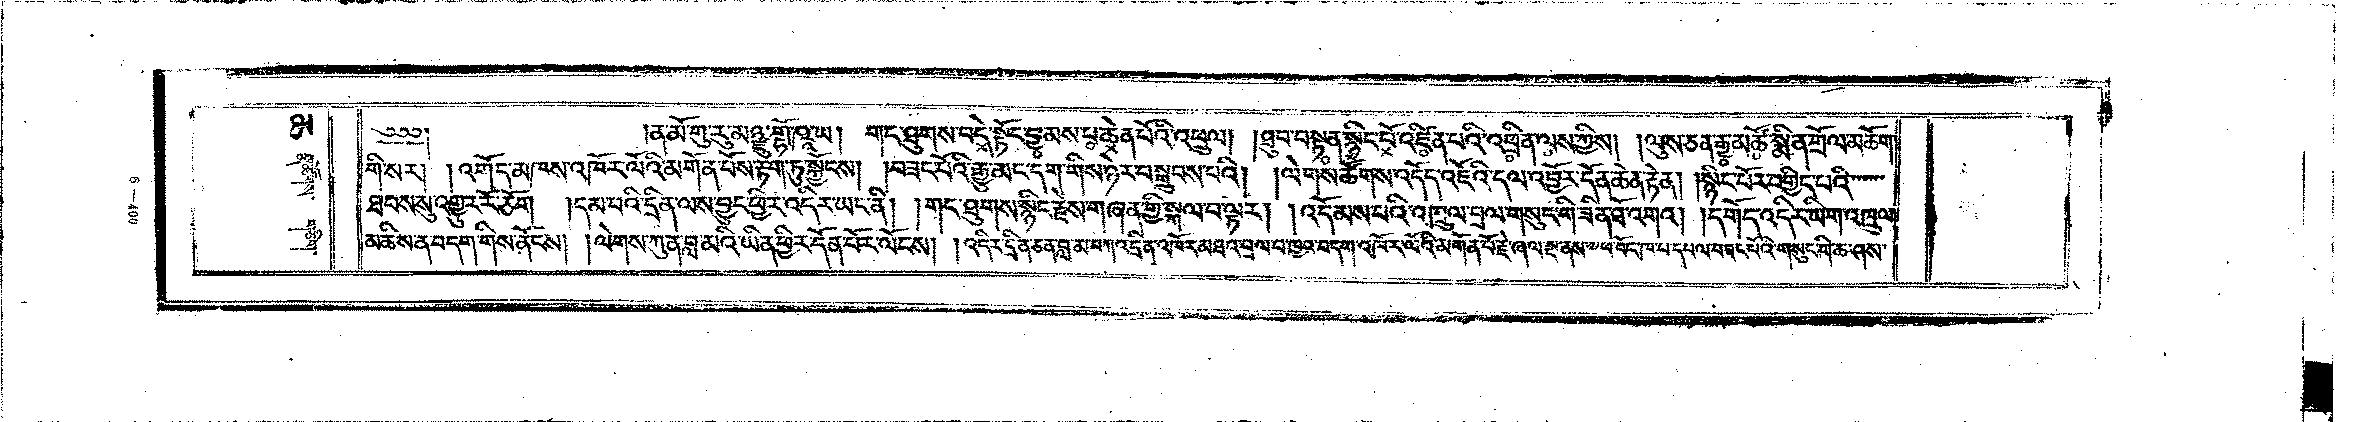༄༅༅། །ན་མོ་གུ་རུ་མཉྫུ་གྷོ་ཥཱ་ཡ། གང་ཐུགས་བདེ་སྟོང་བྱམས་པ་ཆེན་པོའི་འཕྲུལ། །ཐུབ་བསྟན྾་སྙིང་པོ་འཛིན྾་པའི་འཕྲིན྾་ལས྾་ཀྱིས། །ལུས་ཅན་རྒྱ་མཚོ྾་སྨིན་གྲོལ་མཆོག་
གི་སར། །འགོད་མཁས་འཁོར་ལོའི་མགོན་པོས་རྟག་ཏུ་སྐྱོངས། །བཟང་པོའི་རྒྱུ་མང་དག་གིས་ཉེར་བསྒྲུབས་པའི། །ལེགས་ཚོགས་འདོད་འཇོའི་དལ་འབྱོར་དོན་ཆེན་རྟེན། །སྙིང་པོར་འགྱིད་པའི་
ཐབས་སུ་འགྱུར་རོ་ཅོག །དམ་པའི་དྲིན་ལས་བྱུང་ཕྱིར་འདིར་ཡང་ནི། །གང་ཐུགས་སྙིང་རྗེས་གཞན་གྱི་སྐལ་བ་ལྟར། །འདོམས་པའི་འཁྲུལ་བྲལ་གསུང་གི་ཟིན་ཐོ་འགའ། །དགོད་འདིར་ཡིག་འཁྲུལ་
མཆིས་ན་བདག་གིས་ནོངས། །ལེགས་ཀུན་བླ་མའི་ཡིན་ཕྱིར་དོན་པོར་ལོངས། །འདིར་དྲིན་ཅན་བླ་མ་བཀའ་དྲིན་འཁོར་མཐའ་བྲལ་བ་ཁྱའ་བདག་འཁོར་ལོའི་མགོན་པོ་རྗེ་ཞལ་སྔ་ནས ༧ཕ་བོང་ཁ་པ་དཔལ་བཟང་པོའི་གསུང་གི་ཆ་ཤས་